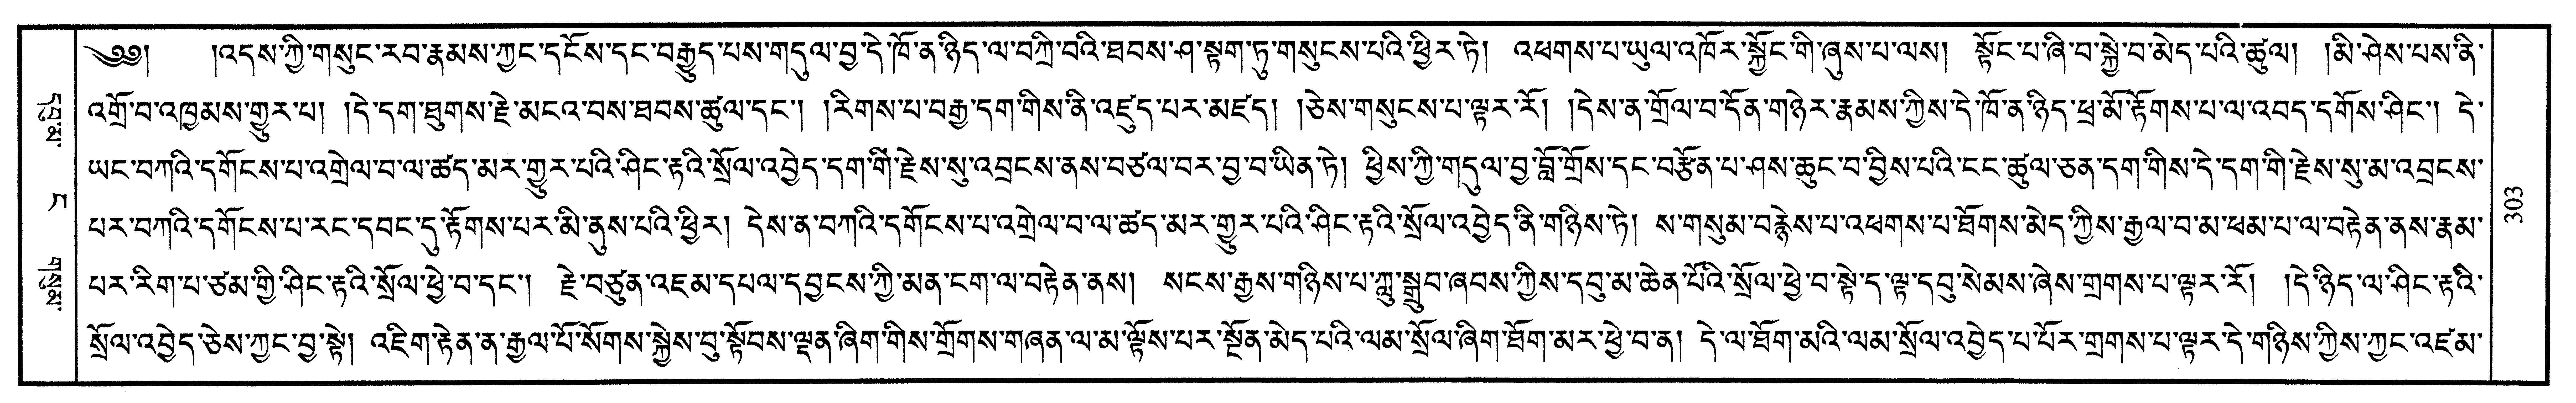༄༅། །འདས་ཀྱི་གསུང་རབ་རྣམས་ཀྱང་དངོས་དང་བརྒྱུད་པས་གདུལ་བྱ་དེ་ཁོ་ན་ཉིད་ལ་བཀྲི་བའི་ཐབས་ཤ་སྟག་ཏུ་གསུངས་པའི་ཕྱིར་ཏེ། འཕགས་པ་ཡུལ་འཁོར་སྐྱོང་གི་ཞུས་པ་ལས། སྟོང་པ་ཞི་བ་སྐྱེ་བ་མེད་པའི་ཚུལ། །མི་ཤེས་པས་ནི་
འགྲོ་བ་འཁྱམས་གྱུར་པ། །དེ་དག་ཐུགས་རྗེ་མངའ་བས་ཐབས་ཚུལ་དང་། །རིགས་པ་བརྒྱ་དག་གིས་ནི་འཛུད་པར་མཛད། །ཅེས་གསུངས་པ་ལྟར་རོ། །དེས་ན་གྲོལ་བ་དོན་གཉེར་རྣམས་ཀྱིས་དེ་ཁོ་ན་ཉིད་ཕྲ་མོ་རྟོགས་པ་ལ་འབད་དགོས་ཤིང་། དེ་
ཡང་བཀའི་དགོངས་པ་འགྲེལ་བ་ལ་ཚད་མར་གྱུར་པའི་ཤིང་རྟའི་སྲོལ་འབྱེད་དག་གི་རྗེས་སུ་འབྲངས་ནས་བཙལ་བར་བྱ་བ་ཡིན་ཏེ། ཕྱིས་ཀྱི་གདུལ་བྱ་བློ་གྲོས་དང་བརྩོན་པ་ཤས་ཆུང་བ་བྱིས་པའི་ངང་ཚུལ་ཅན་དག་གིས་དེ་དག་གི་རྗེས་སུ་མ་འབྲངས་
པར་བཀའི་དགོངས་པ་རང་དབང་དུ་རྟོགས་པར་མི་ནུས་པའི་ཕྱིར། དེས་ན་བཀའི་དགོངས་པ་འགྲེལ་བ་ལ་ཚད་མར་གྱུར་པའི་ཤིང་རྟའི་སྲོལ་འབྱེད་ནི་གཉིས་ཏེ། ས་གསུམ་བརྙེས་པ་འཕགས་པ་ཐོགས་མེད་ཀྱིས་རྒྱལ་བ་མ་ཕམ་པ་ལ་བརྟེན་ནས་རྣམ་
པར་རིག་པ་ཙམ་གྱི་ཤིང་རྟའི་སྲོལ་ཕྱེ་བ་དང་། རྗེ་བཙུན་འཇམ་དཔལ་དབྱངས་ཀྱི་མན་ངག་ལ་བརྟེན་ནས། སངས་རྒྱས་གཉིས་པ་ཀླུ་སྒྲུབ་ཞབས་ཀྱིས་དབུ་མ་ཆེན་པོའི་སྲོལ་ཕྱེ་བ་སྟེ་ད་ལྟ་དབུ་སེམས་ཞེས་གྲགས་པ་ལྟར་རོ། །དེ་ཉིད་ལ་ཤིང་རྟའི་
སྲོལ་འབྱེད་ཅེས་ཀྱང་བྱ་སྟེ། འཇིག་རྟེན་ན་རྒྱལ་པོ་སོགས་སྐྱེས་བུ་སྟོབས་ལྡན་ཞིག་གིས་གྲོགས་གཞན་ལ་མ་ལྟོས་པར་སྔོན་མེད་པའི་ལམ་སྲོལ་ཞིག་ཐོག་མར་ཕྱེ་བ་ན། དེ་ལ་ཐོག་མའི་ལམ་སྲོལ་འབྱེད་པ་པོར་གྲགས་པ་ལྟར་དེ་གཉིས་ཀྱིས་ཀྱང་འཛམ་